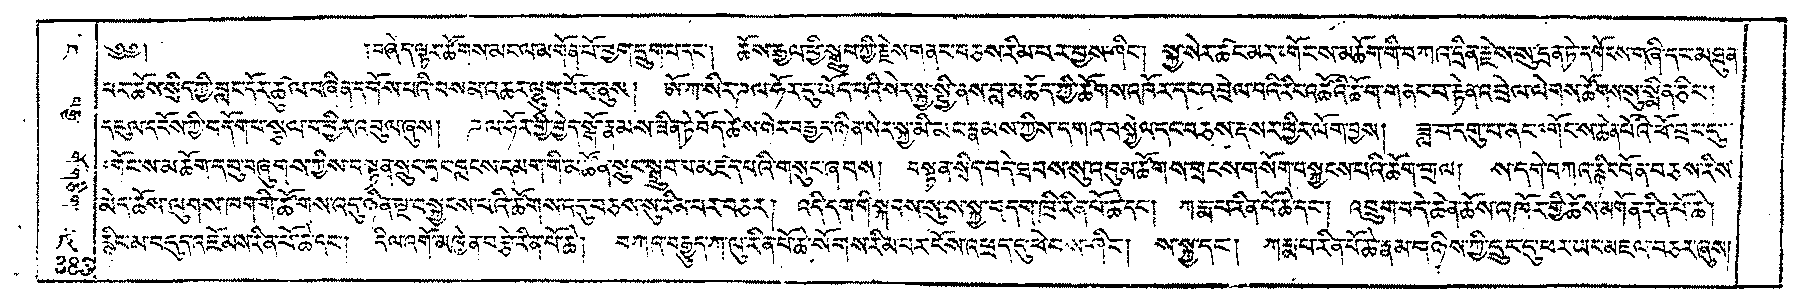༄༅། །བཞེད་ལྟར་ཚོགས་མང་ལ་མགོན་པོ་ཕྱག་དྲུག་པ་དང་། ཆོས་རྒྱལ་ཕྱི་སྒྲུབ་ཀྱི་རྗེས་གནང་བཅས་རིམ་པར་བྱས་ཤིང་། སྐྱ་སེར་ཚང་མར་༧གོང་ས་མཆོག་གི་བཀའ་དྲིན་རྗེས་སུ་དྲན་ཏེ་དགོངས་གཞི་དང་མཐུན་
པར་ཆོས་སྲིད་ཀྱི་བླང་དོར་ཚུལ་བཞིན་དགོས་པའི་བསམ་འཆར་ལྷུག་པོར་ཞུས། ཨོ་ཀ་སིར་ཌལ་ཧོར་དུ་ཡོད་པའི་སེར་སྐྱ་སྤྱི་ནས་བླ་མཆོད་ཀྱི་ཚོགས་འཁོར་དང་འབྲེལ་བའི་རིང་འཚོའི་ཆོ་ག་གནང་བ་རྟེན་འབྲེལ་ལེགས་ཚོགས་སུ་སྨིན་ཅིང་།
དངུལ་དངོས་ཀྱི་བདོག་པ་སྩལ་བ་ཕྱིར་འབུལ་ཞུས། ཌལ་ཧོར་གྱི་བྱེད་སྒོ་རྣམས་ཟིན་ཏེ་བོད་ཚེས་ཉེར་བརྒྱད་ཉིན་སེར་སྐྱ་མི་མང་རྣམས་ཀྱིས་དགའ་བསྐྱེལ་དང་བཅས་རྡ་སར་ཕྱིར་ལོག་བྱས། ཟླ་བ་དགུ་པ་ནང་༧གོང་ས་ཆེན་པོའི་ཕོ་བྲང་དུ་
༧གོང་ས་མཆོག་དབུ་བཞུགས་ཀྱིས་བསྟན་སྲུང་དྭང་བླངས་དམག་གི་མཚོན་སྲུང་སྒྲུབ་པ་མཛད་པའི་གསུང་ཞབས། བསྟན་སྲིད་བདེ་ཐབས་སུ་འབུམ་ཚོགས་གྲངས་གསོག་བསྐྱངས་པའི་ཆོག་གྲལ། ས་དགེ་བཀའ་རྙིང་བོན་བཅས་རིས་
མེད་ཆོས་ལུགས་ཁག་གི་ཚོགས་འདུ་ཉིན་ལྔ་བསྐྱངས་པའི་ཚོགས་འདུ་བཅས་སུ་རིམ་པར་བཅར། འདི་དག་གི་སྐབས་སུ་ས་སྐྱ་བདག་ཁྲི་རིན་པོ་ཆེ་དང་། ཀརྨ་པ་རིན་པོ་ཆེ་དང་། འབྲུག་བདེ་ཆེན་ཆོས་འཁོར་གྱི་ཆོས་མགོན་རིན་པོ་ཆེ།
རྙིང་མ་བདུད་འཇོམས་རིན་པོ་ཆེ་དང་། དིལ་འགོ་མཁྱེན་བརྩེ་རིན་པོ་ཆེ། བཀའ་བརྒྱུད་ཀ་ལུ་རིན་པོ་ཆེ་སོགས་རིམ་པར་ངོས་འཕྲད་དུ་ཕེབས་ཤིང་། ས་སྐྱ་དང་། ཀརྨ་པ་རིན་པོ་ཆེ་རྣམ་གཉིས་ཀྱི་དྲུང་དུ་ཕར་ཡང་མཇལ་བཅར་ཞུས།